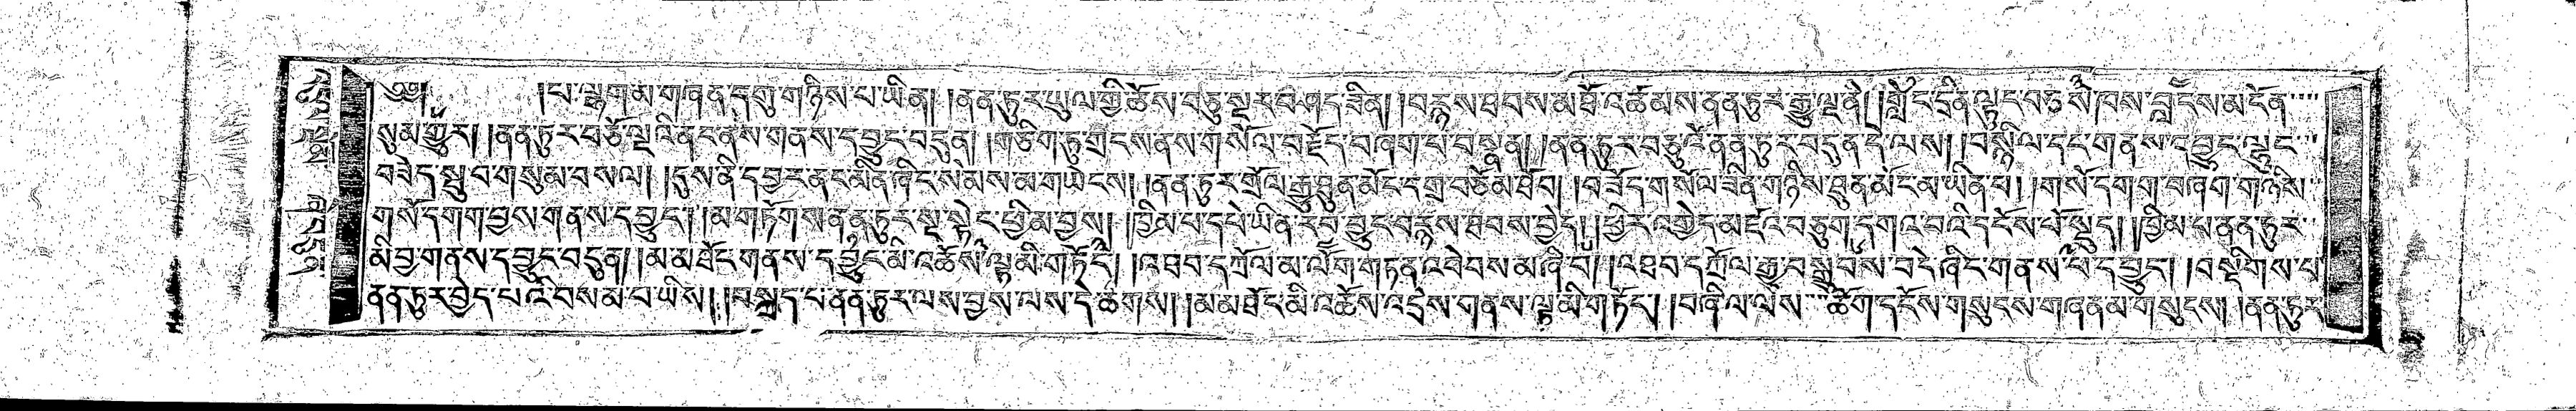༄༅། །པ་ལྷག་མ་གཞན་དགུ་གཉིས་པ་ཡིན། །ནན་ཏུར་ཡུལ་གྱི་ཆོས་བཅུ་སྔར་བཤད་ཟིན། །བརྙས་ཐབས་མཐོ་འཚམས་ནན་ཏུར་རྒྱུ་ལྔ་ནི། །གླེང ༡་དྲིན་ལྟུང་བཅས ༣་ཁས་བླངས ༤་མངོན་
སུམ་གྱུར ༥། །ནན་ཏུར་བཅོ་ལྔའི་ནང་ནས་གནས་དབྱུང་བདུན། །གཅིག་ཏུ་གྲངས་ནས་གསོལ་བརྗོད་བཞག་པ་བསྣན། །ནན་ཏུར་བཅུ་འོ་ནན་ཏུར་བདུན་དེ་ལས། །བསྙིལ་དང་གནས་དབྱུང་ལྷུང་
བཟེད་སྤུབ་གསུམ་བསལ། །དུས་ནི་དབྱར་ནང་མིན་ཞིང་སེམས་མ་གཡེངས། །ནན་ཏུར་གྲོལ་རྒྱུ་ཐུན་མོང་དགྲ་བཅོམ་ཐོབ། །བཟོད་གསོལ་ཟིན་གཉིས་ཐུན་མོང་མ་ཡིན་པ། །གསོ་དགག་བཞག་གཉིས་
གསོ་དགག་བྱས་གནས་དབྱུང་། །མ་གཏོགས་ནན་ཏུར་སྔ་སྟེང་ཕྱི་མ་བྱས། །ཁྱིམ་པ་དཔེ་ཡིན་རབ་བྱུང་བརྙས་ཐབས་བྱེད། །ཕྱིར་འགྱེད་མཛའ་བཅུག་དགའ་བའི་དངོས་པོ་སྡུད། །ཁྱིམ་པ་ནན་ཏུར་
མི་བྱ་གནས་དབྱུང་བདུན། །མ་མཐོང་གནས་དབྱུང ༡་མི་འཆོས ༢་ལྟ་མི་གཏོང ༣། །འཐབ་དཀྲོལ་མ་ལོག ༤་གཏན་འབེབས་མ་ཞི་བ ༥། །འཐབ་དཀྲོལ་རྒྱུ་བསྒྲུབས ༦་བདེ་ཞིང་གནས་པ ༩་དབྱུང་། །བསྡིགས་པ་
ནན་ཏུར་བྱེད་པའི་བསམ་པ་ཡིས། །བསྐྲད་པ་ནན་ཏུར་ལས་བྱས་ལས་དེ་ཆགས། །མ་མཐོང་མི་འཆོས་འདྲེས་གནས་ལྟ་མི་གཏོང་། །བཞི་ལ་ལས་ཆོག་དངོས་གསུངས་གཞན་མ་གསུངས། །ནན་ཏུར་